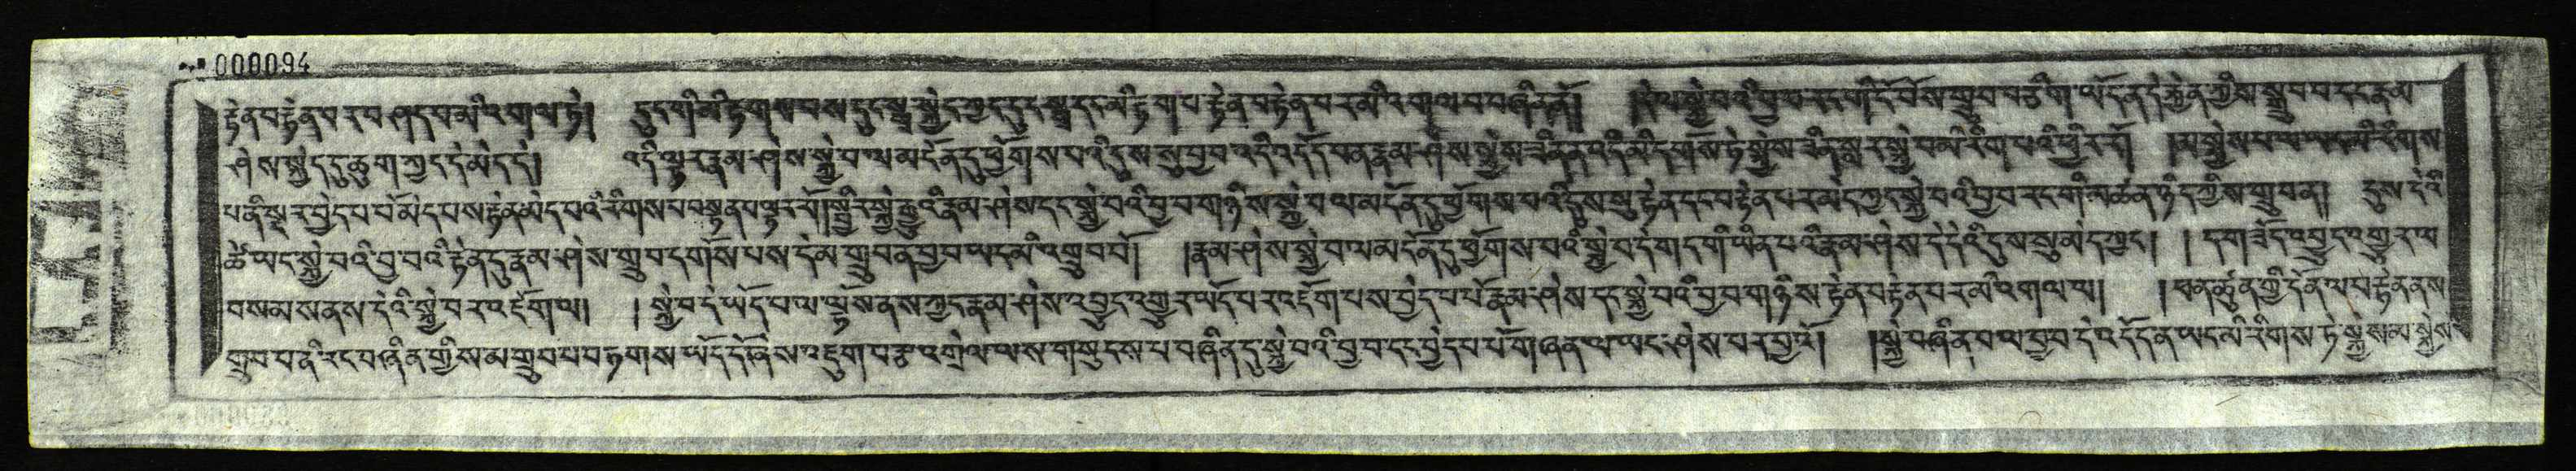རྟེན་བརྟེན་པར་བཤད་པ་མི་འགལ་ཏེ། དུང་གི་མི་རྟགས་པས་དུང་སྒྲ་སྐྱེད་ཀྱང་དུང་སྒྲ་དང་མི་རྟག་པ་རྟེན་བརྟེན་པར་མི་འགལ་བ་བཞིན་ནོ། །དེ་ལ་སྐྱེ་བའི་བྱ་བ་རང་གི་ངོ་བོས་གྲུབ་པ་ཅིག་ཡོད་ན་དེ་རྐྱེན་གྱིས་སྒྲུབ་བ་དང་རྣམ་
ཤེས་སྐྱེད་དུ་ཆུག་ཀྱང་དེ་མེད་དེ། འདི་ལྟར་རྣམ་ཤེས་སྐྱེ་བ་ལ་མངོན་དུ་ཕྱོགས་པའི་དུས་སུ་བྱ་བ་འདི་འདོད་པ་ན་རྣམ་ཤེས་སྐྱེས་ཟིན་ན་འདི་མི་དགོས་ཏེ་སྐྱེས་ཟིན་སླར་སྐྱེ་བ་མི་རིག་པའི་ཕྱིར་རོ། །མ་སྐྱེས་པ་ལ་ཡང་མི་རིགས་
པ་ནི་སྔར་བྱེད་པ་པོ་མེད་པས་རྟེན་མེད་པའི་རིགས་པ་བསྟན་པ་ལྟར་རོ། །སྤྱིར་སྐྱེ་རྒྱུའི་རྣམ་ཤེས་དང་སྐྱེ་བའི་བྱ་བ་གཉིས་སྐྱེ་བ་ལ་མངོན་དུ་ཕྱོགས་པའི་དུས་སུ་རྟེན་དང་བརྟེན་པར་མེད་ཀྱང་སྐྱེ་བའི་བྱ་བ་རང་གི་མཚན་ཉིད་ཀྱིས་གྲུབ་ན། དུས་དེའི་
ཚེ་ཡང་སྐྱེ་བའི་བྱ་བའི་རྟེན་དུ་རྣམ་ཤེས་གྲུབ་དགོས་པས་དེ་མ་གྲུབ་ན་བྱ་བ་ཡང་མི་འགྲུབ་བོ། །རྣམ་ཤེས་སྐྱེ་བ་ལ་མངོན་དུ་ཕྱོགས་པའི་སྐྱེ་བ་དེ་གང་གི་ཡིན་པའི་རྣམ་ཤེས་དེ་དེའི་དུས་སུ་མེད་ཀྱང་། །ད་གཟོད་འབྱུང་འགྱུར་ལ་
བསམས་ནས་དེའི་སྐྱེ་བར་འཇོག་ལ། །སྐྱེ་བ་དེ་ཡོད་པ་ལ་ལྟོས་ནས་ཀྱང་རྣམ་ཤེས་འབྱུང་འགྱུར་ཡོད་པར་འཇོག་པས་བྱེད་པ་པོ་རྣམ་ཤེས་དང་སྐྱེ་བའི་བྱ་བ་གཉིས་རྟེན་བརྟེན་པར་མི་འགལ་ལ། །ཕན་ཚུན་གྱི་དོན་ལ་བརྟེན་ནས་
གྲུབ་པ་ནི་རང་བཞིན་གྱིས་མ་གྲུབ་པ་བཏགས་ཡོད་དོ་ཞེས་འཇུག་པ་རྩ་འགྲེལ་ལས་གསུངས་པ་བཞིན་དུ་སྐྱེ་བའི་བྱ་བ་དང་བྱེད་པ་པོ་གཞན་ལ་ཡང་ཤེས་པར་བྱའོ། །སྐྱེ་བཞིན་པ་ལ་བྱ་བ་དེ་འདོད་ན་ཡང་མི་རིགས་ཏེ་སྐྱེས་མ་སྐྱེས་